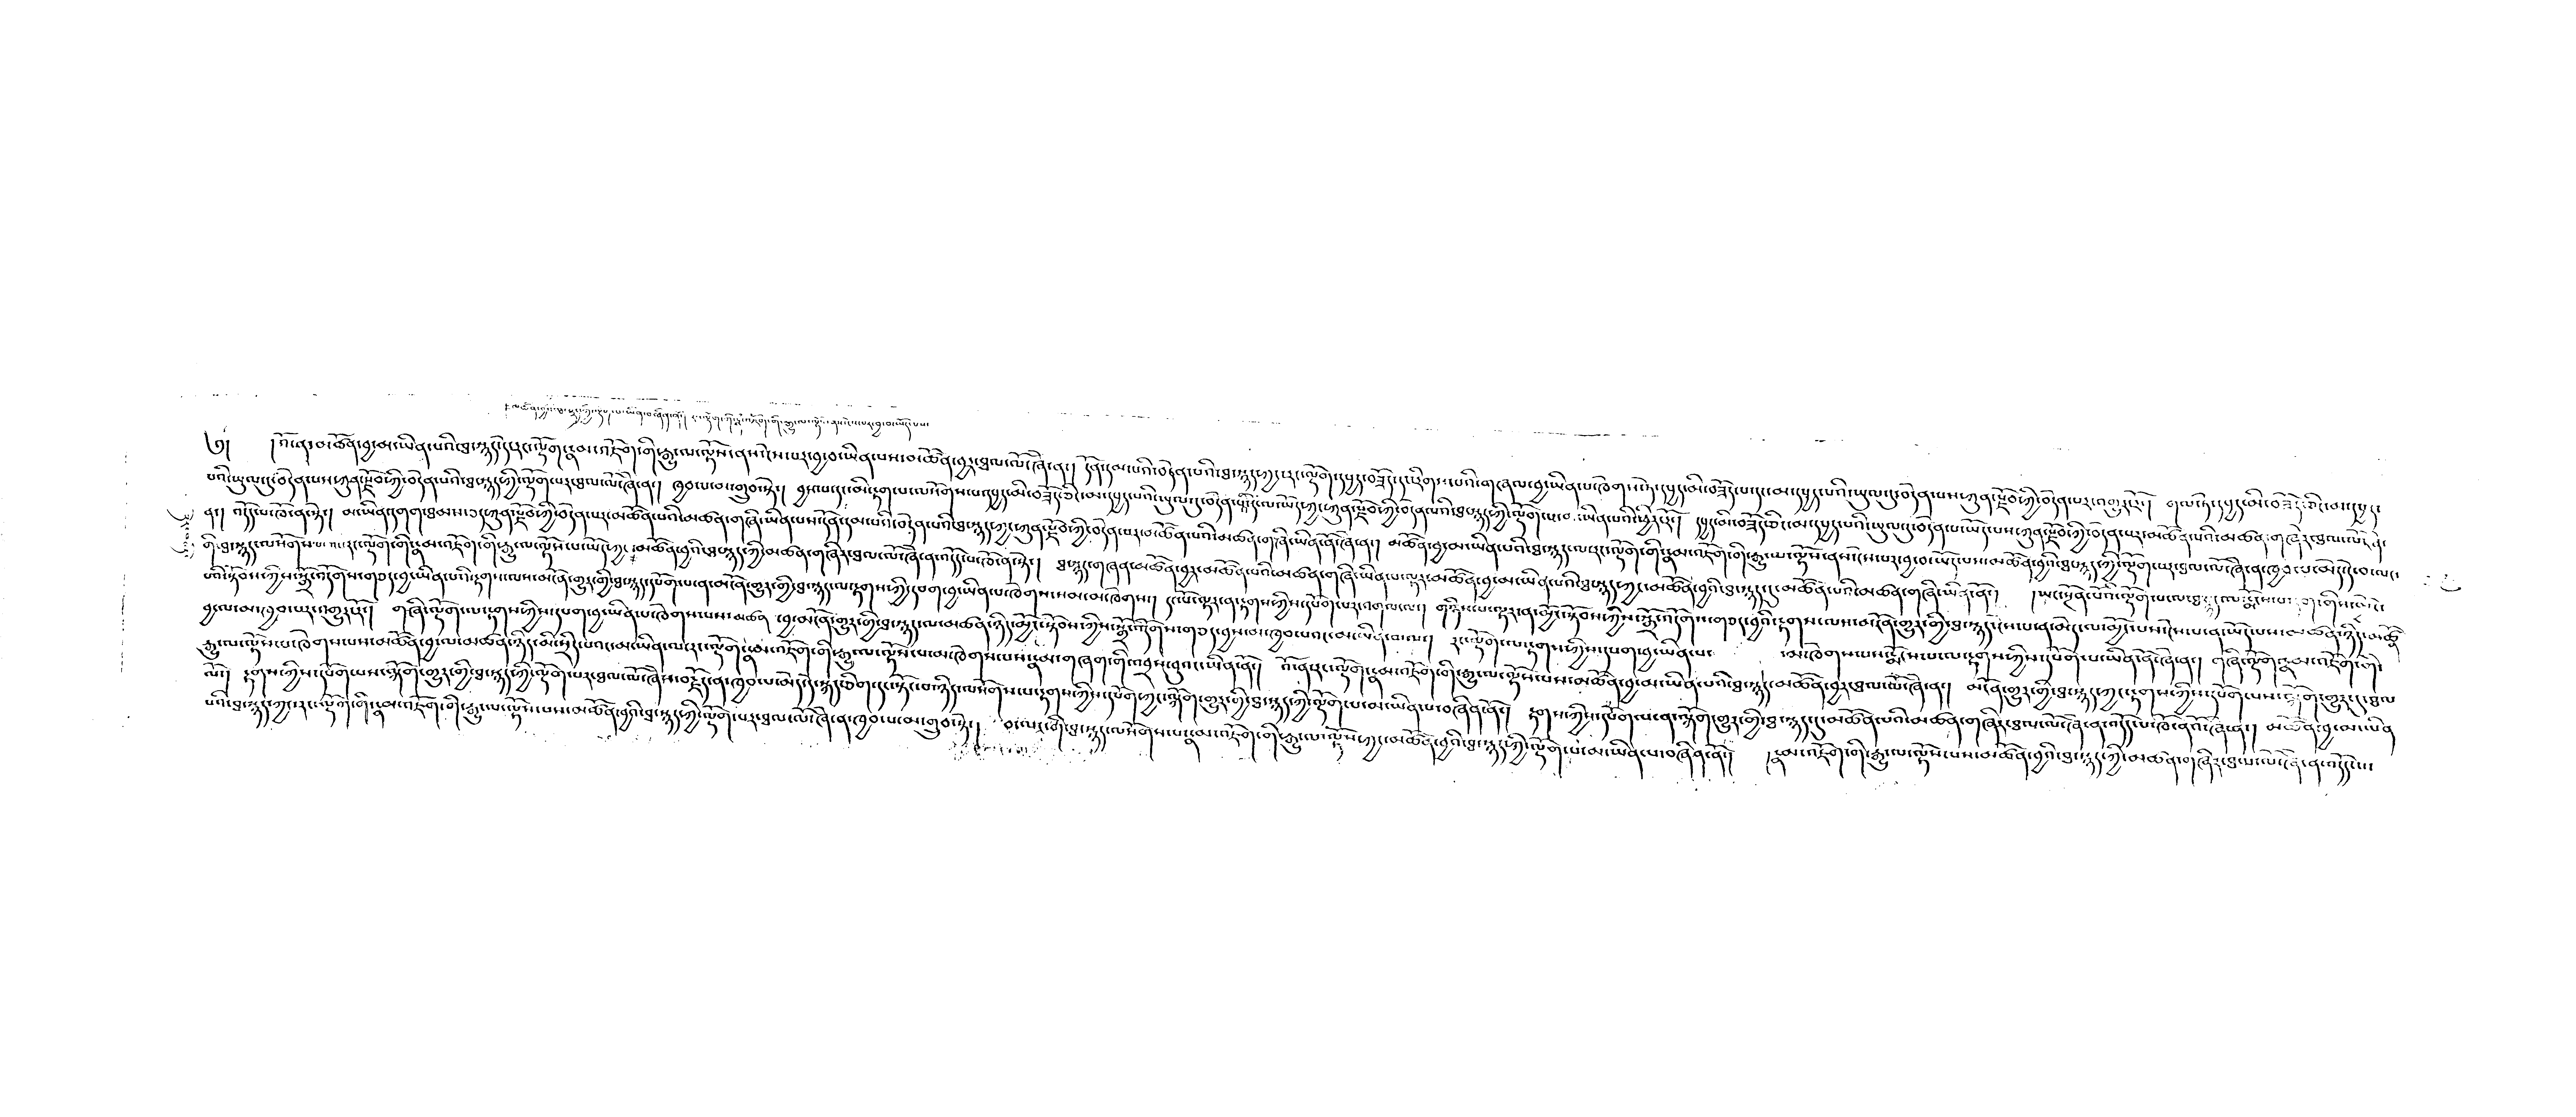༈། །འོ་ན་མཚོན་བྱ་མ་ཡིན་པའི་ཐ་སྙད་དེ་རང་ལྡོག་རྣམ་འཇོག་གི་རྒྱུ་ལ་ལྟོས་ནས་ངེས་པར་བྱ་བ་ཡིན་པས་མཚོན་བྱར་ཐལ་ལོ་ཞེ་ན། དོན་དམ་པའི་བདེན་པའི་ཐ་སྙད་ཀྱང་རང་ལྡོག་དཔྱད་བཟོད་དང་རིགས་པའི་གཞལ་བྱ་ཡིན་པ་ཁེགས་ཏེ་དཔྱད་མི་བཟོད་པ་དང་མ་དཔྱད་པའི་ཡུལ་དུ་བདེན་པས་ཀུན་རྫོབ་ཀྱི་བདེན་པར་འགྱུར་རོ། གལ་ཏེ་དཔྱད་མི་བཟོད་ཅིང་མ་དཔྱད་
པའི་ཡུལ་དུ་བདེན་པས་ཀུན་རྫོབ་ཀྱི་བདེན་པའི་ཐ་སྙད་ཀྱི་ལྡོག་པར་ཐལ་ལོ་ཞེ་ན། ཁྱབ་པ་མ་གྲུབ་སྟེ། བྱས་པ་དང་མི་རྟག་པ་ལ་སོགས་པ་དཔྱད་མི་བཟོད་ཅིང་མ་དཔྱོད་པའི་ཡུལ་དུ་བདེན་པའི་དེ་ལ་ཡོད་ཀྱང་ཀུན་རྫོབ་ཀྱི་བདེན་པའི་ཐ་སྙད་ཀྱི་ལྡོག་པ་མ་ཡིན་པའི་ཕྱིར་རོ། དཔྱད་མི་བཟོད་ཅིང་མ་དཔྱད་པའི་ཡུལ་དུ་བདེན་པ་ཡོད་པས་ཀུན་རྫོབ་ཀྱི་བདེན་པར་མཚོན་པའི་མཚན་གཞིར་ཐལ་མངོན་
ན། འདོད་པ་ཁོ་ན་སྟེ། མ་ཡིན་དགག་ཐམས་ཅད་ཀུན་རྫོབ་ཀྱི་བདེན་པར་མཚོན་པའི་མཚན་གཞི་ཡིན་པས་དོན་དམ་པའི་བདེན་པའི་ཐ་སྙད་ཀྱང་ཀུན་རྫོབ་ཀྱི་བདེན་པར་མཚོན་པའི་མཚན་གཞི་ཡིན་ནོ་ཞེ་ན། མཚོ་བྱ་མ་ཡིན་པའི་ཐ་སྙད་ལ་རང་ལྡོག་གི་རྣམ་འཇོག་གི་རྒྱུ་མ་ལྟོས་ནས་ངེས་པར་བྱ་བ་ཡོད་པས་མཚོན་བྱའི་ཐ་སྙད་ཀྱི་ལྡོག་པར་ཐལ་ལོ་ཞེ་ན་ཁྱབ་ལ་མེད་དེ་བ་ལང་
གི་ཐ་སྙད་ལ་སོག་པའི་རང་ལྡོག་གི་རྣམ་འཇོག་གི་རྒྱུ་ལ་ལྟོས་པ་ཡོད་ཀྱང་མཚོན་བྱའི་ཐ་སྙད་ཀྱི་མཚན་གཞིར་ཐལ་ལོ་ཞེ་ན་འདོད་པ་ཁོ་ན་སྟེ། ཐ་སྙད་གཞན་མཚོན་བྱར་མཚོན་པའི་མཚན་གཞི་ཡིན་པ་ལྟར་མཚོན་བྱ་མ་ཡིན་པའི་ཐ་སྙད་ཀྱང་མཚོན་བྱའི་ཐ་སྙད་དུ་མཚོན་པའི་མཚན་གཞི་ཡིན་ནོ། །ཡང་སྔོན་པོའི་ལྡོག་པ་ལ་ཐ་སྙད་ལ་རྨོངས་པ་དག་གིས་མྱོང་
བའི་སྟོབས་ཀྱིས་སྒྲོ་འདོགས་གཅད་བྱ་ཡིན་པའི་རྟགས་ལས་མངོན་གྱུར་གྱི་ཐ་སྙད་དཔོག་པ་ན་མངོན་གྱུར་གྱི་ཐ་སྙད་ལ་རྟགས་ཀྱི་དཔག་བྱ་ཡིན་པ་ཁེགས་སམ་མ་ཁེགས། དང་པོ་ལྟར་ན་རྟགས་ཀྱིས་དཔོག་པར་འགལ་ལ། གཉིས་པ་ལྟར་ན་མྱོང་སྟོབས་ཀྱིས་སྒྲོ་འདོགས་གཅད་བྱའི་རྟགས་ལས་མངོན་གྱུར་གྱི་ཐ་སྙད་ངེས་པ་ན་མེད་ལ་མྱོང་པས་ངེས་པ་ན་ཡོད་པས་མཚན་ཉིད་མཚོན་
བྱ་ལ་མ་ཁྱབ་པར་འགྱུར་རོ། གཞི་ལྡོག་ལ་རྟགས་ཀྱིས་དཔག་བྱ་ཡིན་པ་ཁེགས་པས་མཚན་བྱ་མངོན་གྱུར་གྱི་ཐ་སྙད་ལ་མཚན་ཉིད་མྱོང་སྟོབས་ཀྱིས་སྒྲོ་འདོགས་གཅད་བྱས་མ་ཁྱབ་པའང་མ་ཡིན་བ་ལ། རང་ལྡོག་ལ་རྟགས་ཀྱིས་དཔག་བྱ་ཡིན་པ་མ་ཁེགས་པས་རྨོངས་པ་ལ་རྟགས་ཀྱིས་དཔོག་པ་ཡིན་ནོ་ཞེ་ན། གཞི་ལྡོག་རྣན་འཇོག་གི་
རྒྱུ་ལ་ལྟོས་པ་ཁེགས་པས་མཚོན་བྱ་ལ་མཚན་ཉིད་མི་སྲིད་པའང་མ་ཡིན་ལ་རང་ལྡོག་རྣམ་འཇོག་གི་རྒྱུ་ལ་ལྟོས་པ་མ་ཁེགས་པས་རྣམ་གཞག་གི་འབྲས་བུའང་ཡིན་ནོ། འོ་ན་རང་ལྡོག་རྣམ་འཇོག་གི་རྒྱུ་ལ་ལྟོས་པས་མཚོན་བྱ་མ་ཡིན་པའི་ཐ་སྙད་མཚོན་བྱར་ཐལ་མོ་ཞེ་ན། མངོན་གྱི་ཐ་སྙད་ཀྱང་རྟགས་ཀྱིས་དཔོག་པས་ལྐོག་གྱུར་དུ་ཐལ་
ལོ། རྟགས་ཀྱི་དཔོག་པས་ལྐོག་གྱུར་གྱི་ཐ་སྙད་ཀྱི་ལྡོག་པར་ཐལ་མོ་ཞེས་བརྗོད་ན་ཁྱབ་པ་མེད་དེ་སྐད་ཅིག་དང་སྟོང་པ་ཉིད་ལ་སོགས་པ་རྟགས་ཀྱི་དཔོག་ཀྱང་ལྐོག་གྱུར་གྱི་ཐ་སྙད་ཀྱི་ལྡོག་པ་མ་ཡིན་པ་བཞིན་ནོ། རྟགས་ཀྱི་དཔོག་པ་ན་ལྐོག་གྱུར་གྱི་ཐ་སྙད་དུ་མཚོན་པའི་མཚན་གཞིར་ཐལ་ལོ་ཞེ་ན་འདོད་པ་ཁོ་ནའོ་ཞེ་ན། མཚོན་བྱ་མ་ཡིན་
པའི་ཐ་སྙད་ཀྱང་རང་ལྡོག་གི་རྣམ་འཇོག་གི་རྒྱུ་ལ་ལྟོས་པས་མཚོན་བྱའི་ཐ་སྙད་ཀྱི་ལྡོག་པར་ཐལ་ལོ་ཞེ་ན་ཁྱབ་པ་མ་གྲུབ་སྟེ། བ་ལང་གི་ཐ་སྙད་ལ་སོགས་པ་རྣམ་འཇོག་གི་རྒྱུ་ལ་ལྟོས་ཡང་མཚོན་བྱའི་ཐ་སྙད་ཀྱི་ལྡོག་པ་མ་ཡིན་པ་བཞིན་ནོ། །རྣམ་འཇོག་གི་རྒྱུ་ལ་ལྟོས་པས་མཚོན་བྱའི་ཐ་སྙད་ཀྱི་མཚན་གཞིར་ཐལ་ལོ་ཞེ་ན་འདོད་པ་